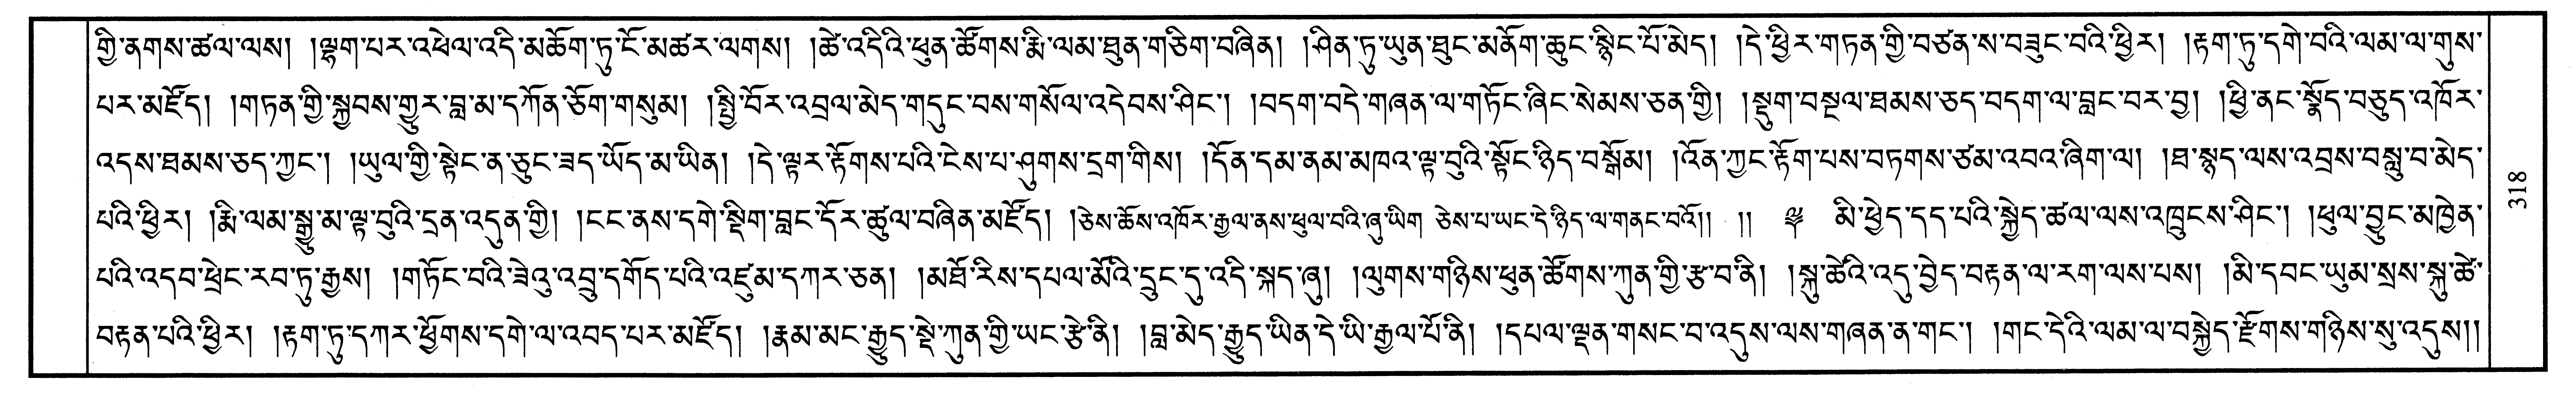གྱི་ནགས་ཚལ་ལས། །ལྷག་པར་འཕེལ་འདི་མཆོག་ཏུ་ངོ་མཚར་ལགས། །ཚེ་འདིའི་ཕུན་ཚོགས་རྨི་ལམ་ཐུན་གཅིག་བཞིན། །ཤིན་ཏུ་ཡུན་ཐུང་མནོག་ཆུང་སྙིང་པོ་མེད། །དེ་ཕྱིར་གཏན་གྱི་བཙན་ས་བཟུང་བའི་ཕྱིར། །རྟག་ཏུ་དགེ་བའི་ལམ་ལ་གུས་
པར་མཛོད། །གཏན་གྱི་སྐྱབས་གྱུར་བླ་མ་དཀོན་ཅོག་གསུམ། །སྤྱི་བོར་འབྲལ་མེད་གདུང་བས་གསོལ་འདེབས་ཤིང་། །བདག་བདེ་གཞན་ལ་གཏོང་ཞིང་སེམས་ཅན་གྱི། །སྡུག་བསྔལ་ཐམས་ཅད་བདག་ལ་བླང་བར་བྱ། །ཕྱི་ནང་སྣོད་བཅུད་འཁོར་
འདས་ཐམས་ཅད་ཀྱང་། །ཡུལ་གྱི་སྟེང་ན་ཅུང་ཟད་ཡོད་མ་ཡིན། །དེ་ལྟར་རྟོགས་པའི་ངེས་པ་ཤུགས་དྲག་གིས། །དོན་དམ་ནམ་མཁའ་ལྟ་བུའི་སྟོང་ཉིད་བསྒོམ། །འོན་ཀྱང་རྟོག་པས་བཏགས་ཙམ་འབའ་ཞིག་ལ། །ཐ་སྙད་ལས་འབྲས་བསླུ་བ་མེད་
པའི་ཕྱིར། །རྨི་ལམ་སྒྱུ་མ་ལྟ་བུའི་དྲན་འདུན་གྱི། །ངང་ནས་དགེ་སྡིག་བླང་དོར་ཚུལ་བཞིན་མཛོད། །ཅེས་ཆོས་འཁོར་རྒྱལ་ནས་ཕུལ་བའི་ཞུ་ཡིག་ཅེས་པ་ཡང་དེ་ཉིད་ལ་གནང་བའོ།། །། ༈ མི་ཕྱེད་དད་པའི་སྐྱེད་ཚལ་ལས་འཁྲུངས་ཤིང་། །ཕུལ་བྱུང་མཁྱེན་
པའི་འདབ་ཕྲེང་རབ་ཏུ་རྒྱས། །གཏོང་བའི་ཟེའུ་འབྲུ་དགོད་པའི་འཛུམ་དཀར་ཅན། །མཐོ་རིས་དཔལ་མོའི་དྲུང་དུ་འདི་སྐད་ཞུ། །ལུགས་གཉིས་ཕུན་ཚོགས་ཀུན་གྱི་རྩ་བ་ནི། །སྐུ་ཚེའི་འདུ་བྱེད་བརྟན་ལ་རག་ལས་པས། །མི་དབང་ཡུམ་སྲས་སྐུ་ཚེ་
བརྟན་པའི་ཕྱིར། །རྟག་ཏུ་དཀར་ཕྱོགས་དགེ་ལ་འབད་པར་མཛོད། །རྣམ་མང་རྒྱུད་སྡེ་ཀུན་གྱི་ཡང་རྩེ་ནི། །བླ་མེད་རྒྱུད་ཡིན་དེ་ཡི་རྒྱལ་པོ་ནི། །དཔལ་ལྡན་གསང་བ་འདུས་ལས་གཞན་ན་གང་། །གང་དེའི་ལམ་ལ་བསྐྱེད་རྫོགས་གཉིས་སུ་འདུས།།